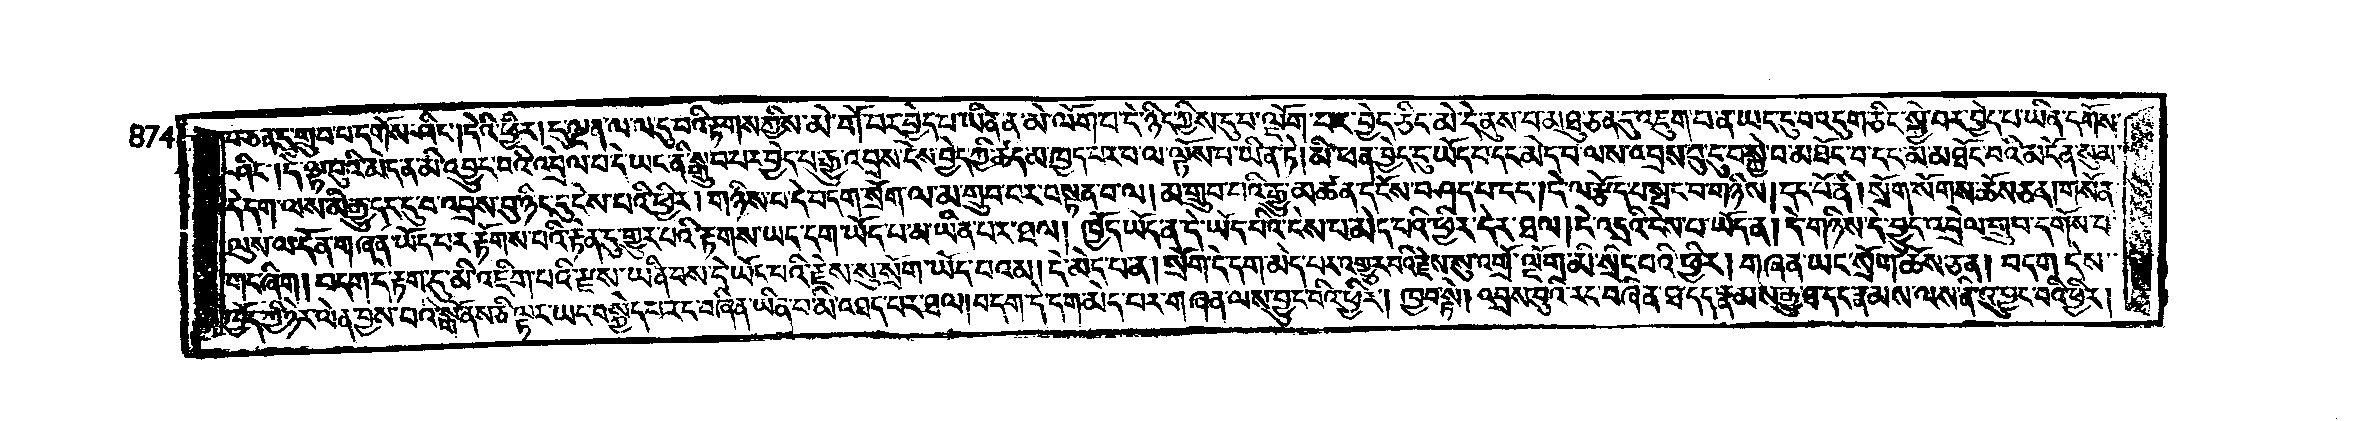བ་ཅན་དུ་གྲུབ་པ་དགོས་ཤིང་། དེའི་ཕྱིར། དུ་ལྡན་ལ་ལ་དུ་བའི་རྟགས་ཀྱིས་མེ་གོ་བར་བྱེད་པ་ཡིན་ན་མེ་ལོག་པ་དེ་ཉིད་ཀྱིས་དུ་བ་ལྡོག་པར་བྱེད་ཅིང་མེ་དེ་ནུས་པ་མཐུ་ཅན་དུ་འཇུག་པ་ན་ཡང་དུ་བ་འདུག་ཅིང་སྐྱེ་བར་བྱེད་པ་ཡིན་དགོས་
ཤིང་། དེ་ལྟ་བུའི་མེད་ན་མི་འབྱུང་བའི་འབྲེལ་བ་དེ་ཡང་ནི་སྒྲུབ་པར་བྱེད་པ་རྒྱུ་འབྲས་ངེས་བྱེད་ཀྱི་ཚད་མ་ཀྱད་པར་བ་ལ་ལྟོས་པ་ཡིན་ཏེ། མི་ཕན་བྱེད་དུ་ཡོད་པ་དང་མེད་པ་ལས་འབྲས་བུ་དུ་བ་སྐྱེ་བ་མཐོང་བ་དང་མ་མཐོང་བའི་མངོན་སུམ་
དེ་དག་ལས་མི་རྒྱུ་དང་དུ་བ་འབྲས་བུ་ཉིད་དུ་ངེས་པའི་ཕྱིར། གཉིས་པ་དེ་བདག་སྲོག་ལ་མ་གྲུབ་པར་བསྟན་པ་ལ། མ་གྲུབ་པའི་རྒྱུ་མཚན་དངོས་བཤད་པ་དང་། དེ་ལ་རྩོད་པ་སྤང་བ་གཉིས། དང་བོ་ནི། སྲོག་སོགས་ཆོས་ཅན། གསོན་
ལུས་ལ་དོན་གཞན་ཡོད་པར་རྟོགས་པའི་རྟེན་དུ་གྱུར་བའི་རྟགས་ཡང་དག་ཡོད་པ་མ་ཡིན་པར་ཐལ། ཁྱོད་ཡོད་ན་དེ་ཡོད་པའི་ངེས་པ་མེད་པའི་ཕྱིར་དེར་ཐལ། དེ་འདྲའི་ངེས་པ་ཡོད་ན། དེ་གཉིས་དེ་བྱུང་འབྲེལ་གྲུབ་དགོས་པ་
གང་ཞིག །བདག་དེ་རྟག་དུ་མི་འཇིག་པའི་རྫས་ཡིན་པས་དེ་ཡོད་པའི་རྗེས་སུ་སྲོག་ཡོད་པའམ། དེ་མེད་པ་ན། སྲོག་དེ་དག་མེད་པར་འགྱུར་བའི་རྗེས་སུ་འགྲོ་ལྡོག་མི་སྲིད་པའི་ཕྱིར། གཞན་ཡང་སྲོག་ཆོས་ཅན། བདག་དེས་
ཁྱོད་ཀྱི་ཉེར་ལེན་བྱས་པའི་སྒོ་ནས་ཅི་ལྟར་ཡང་བསྐྱེད་པ་རང་བཞིན་ཡིན་པ་མི་འཐད་པར་ཐལ། བདག་དེ་དག་མེད་པར་གཞན་ལས་བྱུང་བའི་ཕྱིར། ཁྱབ་སྟེ། འབྲས་བུའི་རང་བཞིན་ཐ་དད་རྣམས་རྒྱུ་ཐ་དད་རྣམས་ལས་ནི་འབྱུང་བའི་ཕྱིར།